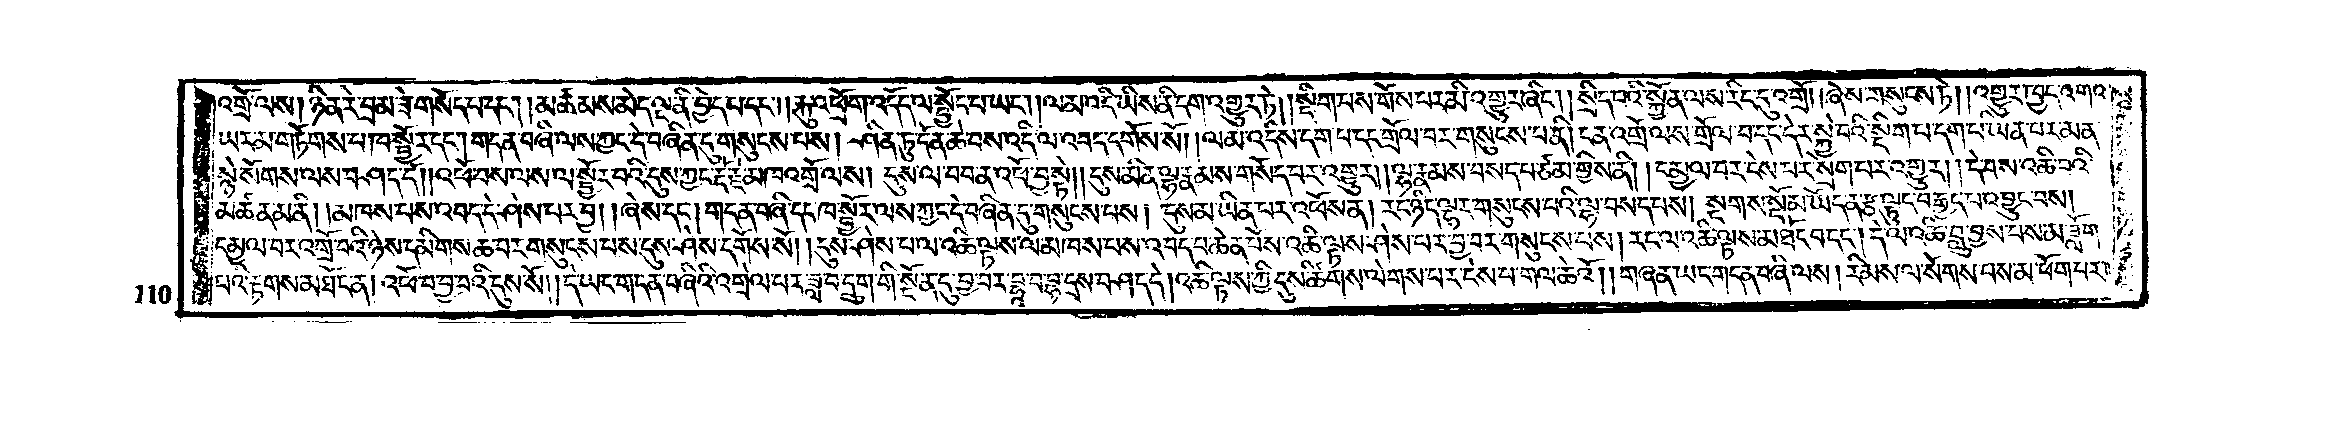འགྲོ་ལས། ཉིན་རེ་བྲམ་ཟེ་གསོད་པ་དང་། །མཚམས་མེད་ལྔ་ནི་བྱེད་པ་དང་། །རྐུ་འཕྲོག་འདོད་ལ་སྤྱོད་པ་ཡང་། །ལམ་འདི་ཡིས་ནི་དག་འགྱུར་ཏེ། །སྡིག་པས་གོས་པར་མི་འགྱུར་ཞིང་། །སྲིད་པའི་སྐྱོན་ལས་རང་དུ་འགྲོ། །ཞེས་གསུངས་ཏེ། །འགྱུར་ཁྱད་འགའ་
ཡར་མ་གཏོགས་པ་ཁ་སྦྱོར་དང་། གདན་བཞི་ལས་ཀྱང་དེ་བཞིན་དུ་གསུངས་པས། ཤིན་ཏུ་དོན་ཆེ་བས་འདི་ལ་འབད་དགོས་སོ། །ལམ་འདིས་དག་པ་དང་གྲོལ་བར་གསུངས་པ་ནི། ངན་འགྲོ་ལས་གྲོལ་བ་དང་དེར་སྐྱེ་བའི་སྡིག་པ་དག་པ་ཡིན་པར་མན་
སྙེ་སོགས་ལས་བཤད་དོ། །འཕོ་བས་ལས་ལ་སྦྱོར་བའི་དུས་ཀྱང་རྡོ་རྗེ་མཁའ་འགྲོ་ལས། དུས་ལ་བབ་ན་འཕོ་བྱ་སྟེ། །དུས་མིན་ལྷ་རྣམས་གསོད་པར་འགྱུར། །ལྷ་རྣམས་བསད་པ་ཙམ་གྱིས་ནི། །དམྱལ་བར་ངེས་པར་སྲེག་པར་འགྱུར། །དེ་བས་འཆི་བའི་
མཚན་མ་ནི། །མཁས་པས་འབད་དེ་ཤེས་པར་བྱ། །ཞེས་དང་། གདན་བཞི་དང་ཁ་སྦྱོར་ལས་ཀྱང་དེ་བཞིན་དུ་གསུངས་པས། དུས་མ་ཡིན་པར་འཕོས་ན། རང་ཉིད་ལྷར་གསུངས་པའི་ལྷ་བསད་པས། སྔགས་སྡོམ་ཡོད་ན་རྩ་ལྟུང་བརྒྱད་པ་འབྱུང་བས།
དམྱལ་བར་འགྲོ་བའི་ཉེས་དམིགས་ཆེ་བར་གསུངས་པས་དུས་ཤེས་དགོས་སོ། །དུས་ཤེས་པ་ལ་འཆི་ལྟས་ལ་མཁས་པས་འབད་པ་ཆེན་པོས་འཆི་ལྟས་ཤེས་པར་བྱ་བར་གསུངས་པས། རང་ལ་འཆི་ལྟས་མཐོང་བ་དང་། དེ་ལ་འཆི་བླུ་བྱས་པས་མ་ཟློག་
པའི་རྟགས་མཐོང་ན། འཕོ་བ་བྱ་བའི་དུས་སོ། །དེ་ཡང་གདན་བཞིའི་འགྲེལ་པར་ཟླ་བ་དྲུག་གི་སྔོན་དུ་བྱ་བར་བྷཱ་བ་བྷ་དྲས་བཤད་དེ། འཆི་ལྟས་ཀྱི་དུས་ཚིགས་ལེགས་པར་ངེས་པ་གལ་ཆེའོ། །གཞན་ཡང་གདན་བཞི་ལས། རིམས་ལ་སོགས་པས་མ་ཕོག་པར། །